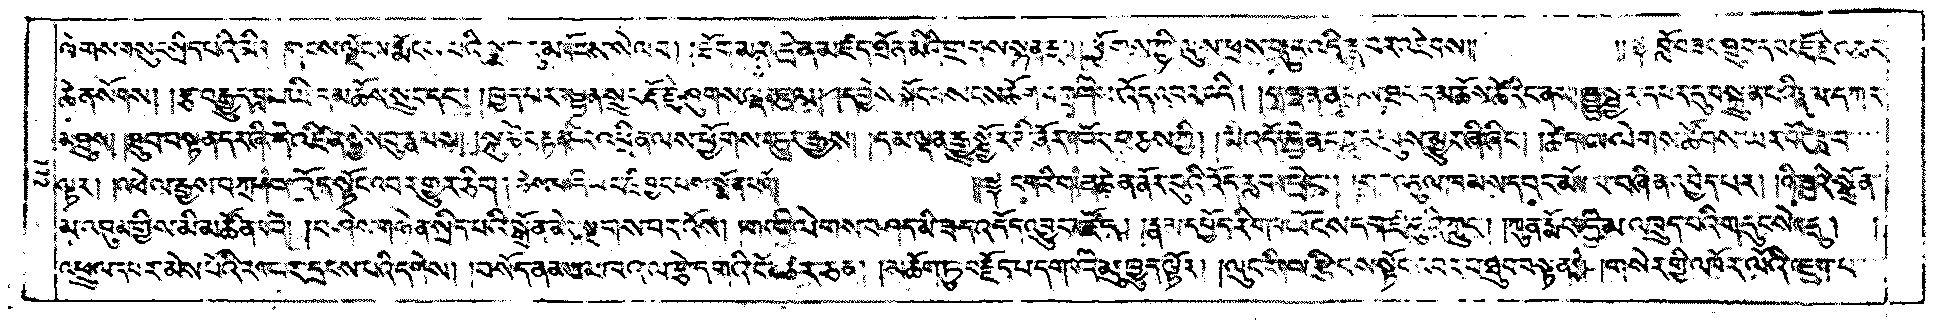ལེགས་གསུང་སྲིད་པའི་མིག །གངས་ལྗོངས་རྨོངས་པའི་སྨག་རུམ་ཡོངས་སེལ་བ། །ཐོག་མར་འདྲེན་མཛད་ཐོན་མིའི་གྲགས་སྙན་རྔ། །ཕྱོགས་ཀྱི་ལུས་ཕྲས་བརྡུང་འདི་རྣ་བར་འཇེབས།། །།༈ བློ་བཟང་ཐུབ་དབང་རྡོ་རྗེ་འཆང་
ཆེན་སོགས། །རྩ་བརྒྱུད་བླ་མ་ཡི་དམ་ཆོས་སྲུང་དང་། །ཁྱད་པར་བསྟན་སྲུང་རྡོ་རྗེ་ཤུགས་ལྡན་རྩལ། །དགྱེས་སྐོང་བསངས་ཆོག་བཀྲ་ཤིས་འོད་འབར་འདི། །དད་ལྡན་ནགས་ཐང་དམ་ཆོས་ཚེ་རིང་ནས། །རྒྱུ་སྦྱར་དཔར་དུ་བསྐྲུན་པའི་རྣམ་དཀར་
མཐུས། །ཐུབ་བསྟན་དར་ཞིང་དེ་འཛིན་སྐྱེས་བུ་རྣམས། །སྐུ་ཚེ་བརྟན་ཅིང་འཕྲིན་ལས་ཕྱོགས་བཅུར་རྒྱས། །དམ་ལྡན་རྒྱུ་སྦྱོར་མི་ནོར་འཁོར་བཅས་ཀྱི། །མི་འདོད་རྐྱེན་ངན་མ་ལུས་མྱུར་ཞི་ཞིང་། །ཚེ་དཔལ་ལེགས་ཚོགས་ཡར་ངོའི་ཟླ་བ་
ལྟར། །འཕེལ་རྒྱས་བཀྲ་ཤིས་འོད་སྟོང་འབར་གྱུར་ཅིག ། ཅེས་པ་འདི་ཡང་ཁྲི་བྱང་པས་སྨོན་པའོ།།  །།༈ ངག྾་རིག་རིན་ཆེན་ནོར་བུའི་འོད་རླབས་ཕྲེང་། །གང་འདུལ་ཁམས་དབང྾་མོས་པ་བཞིན་འབྱེད་པར། །ཉི྾་ཟླའི་སྒྲོན་
མ྾་འབུམ་གྱིས་མི་མཚོན་པའི། །བཤེས་གཉེན་སྲིད་པའི་སྒྲོན་མེ་བསྔགས་པར་འོས། །གང་གི་ལེགས་བཤད་མི་ཟད་འདོད་འབྱུང་མཛོད། །རྣམ་དཔྱོད་རིག་པ་ཡོངས་དག་ཛ་ཧུའི་ཀླུང་། །ཀུན་རྨོངས་དྲི་མ་འཁྲུད་པའི་གདུང་སེལ་དུ། །
འཕྲུལ་དཔར་མེས་པོའི་རལ་པར་དྲངས་པའི་དགེས། །བསོད་ནམས་མཁའ་ལ་རྩེ་དགའི་ངོ་མཚར་ཅན། །མཆོག་ཏུ་བརྗོད་པ་དག་པའི་མུ་ཁྱུད་ལྟོར། །ལུང་རིགས་རྩིབས་སྟོང་འབར་བ་ཐུབ་བསྟན་གྱི། །གསེར་གྱི་འཁོར་ལོའི་འཇུག་པ་